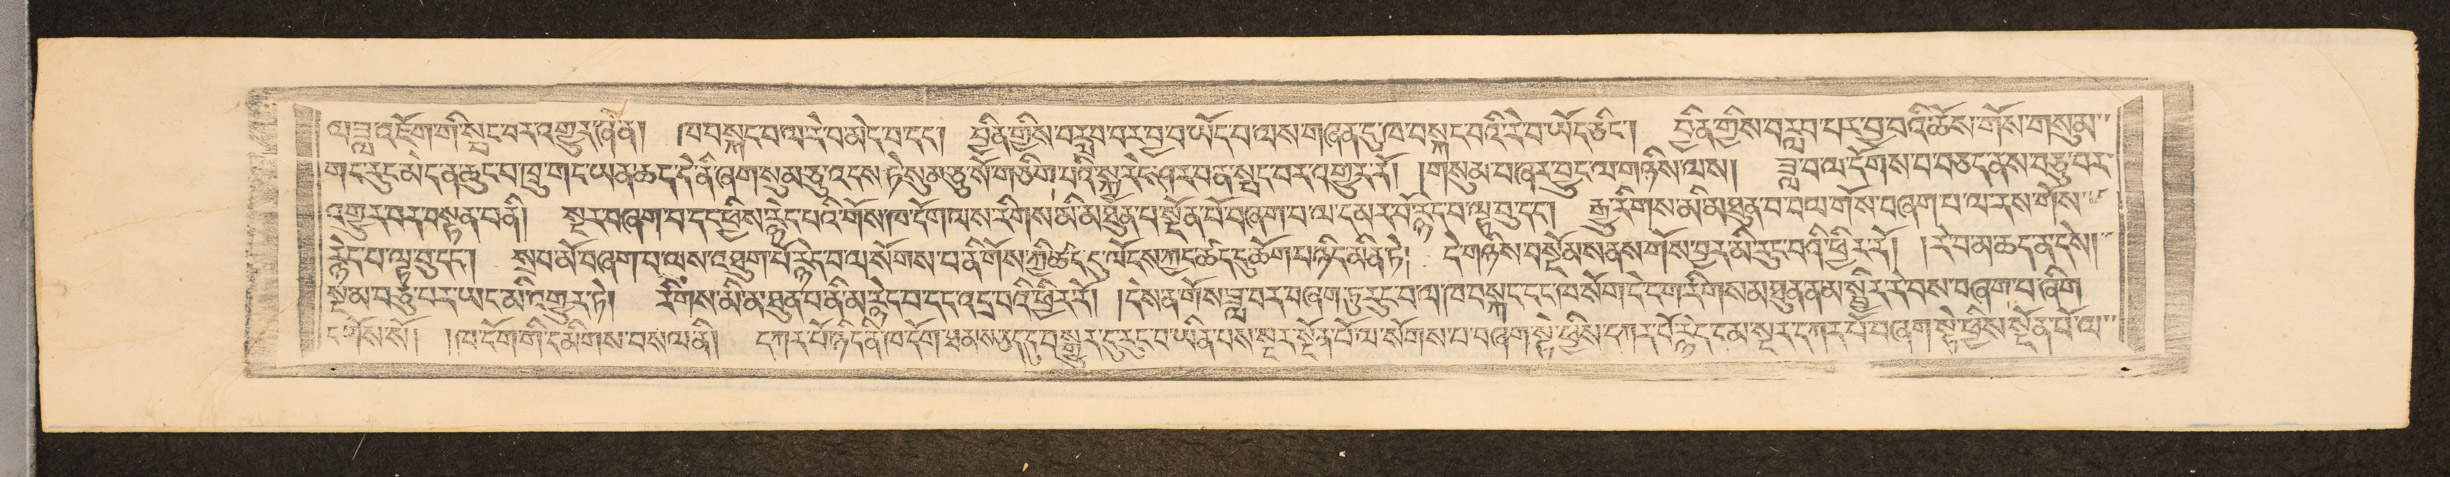ལ་ཟླ་འཇོག་གི་སྤང་བར་འགྱུར་ཞེ་ན། ཁ་བསྐང་བ་ལ་རེ་བ་མེད་པ་དང་། བྱིན་གྱིས་བརླབ་པར་བྱ་བ་ཡོད་པ་ལས་གཞན་དུ་ཁ་བསྐང་བའི་རེ་བ་ཡོད་ཅིང་། བྱིན་གྱིས་བརླབ་པར་བྱ་བའི་ཆོས་གོས་གསུམ་
གང་རུང་མེད་ན་ཆུང་བ་ཁྲུ་གང་ཡན་ཆད་དེ་ནི་ཞག་སུམ་ཅུ་འདས་ཏེ་སུམ་ཅུ་སོ་གཅིག་པའི་སྐྱ་རེང་ཤར་བ་ན་སྤང་བར་འགྱུར་རོ། །གསུམ་པ་ཞར་བྱུང་ལ་གཉིས་ལས། ཟླ་བ་ལ་དོགས་པ་བཅད་ནས་བཅུ་པར་
འགྱུར་བར་བསྟན་པ་ནི། སྔར་བཞག་པ་དང་ཕྱིས་རྙེད་པའི་གོས་ཁ་དོག་ལས་རིགས་མི་མཐུན་པ་སྔོན་པོ་བཞག་པ་ལ་དམར་པོ་རྙེད་པ་ལྟ་བུ་དང་། རྒྱུ་རིགས་མི་མཐུན་པ་བལ་གོས་བཞག་པ་ལ་རས་གོས་
རྙེད་པ་ལྟ་བུ་དང་། སྲབ་མོ་བཞག་པ་ལས་འཐུག་པོ་རྙེད་པ་ལ་སོགས་པ་ནི་གོས་ཀྱི་ཚད་དུ་ལོངས་ཀྱང་ཚད་དུ་ཆོག་པ་ཉིད་མིན་ཏེ། དེ་གཉིས་བསྡོམས་ནས་གོས་བྱར་མི་རུང་བའི་ཕྱིར་རོ། །རེ་བ་མ་ཆད་ན་དེས།
སྔ་མ་བཅུ་པར་ཡང་མི་འགྱུར་ཏེ། རིགས་མི་མཐུན་པ་ནི་མ་རྙེད་པ་དང་འདྲ་བའི་ཕྱིར་རོ། །དེས་ན་གོས་ཟླ་བར་བཞག་ཏུ་རུང་བ་ལ་ལ་བསྐང་དང་ཁ་སོག་དེ་དག་རིགས་མཐུན་ནམ་སྦྱིར་རེ་བས་བཞག་པ་ཞིག་
དགོས་སོ། །ཁ་དོག་གི་དམིགས་བསལ་ནི། དཀར་པོ་ཉིད་ནི་ཁ་དོག་ཐམས་ཅད་དུ་བསྒྱུར་དུ་རུང་བ་ཡིན་པས་སྔར་སྔོན་པོ་ལ་སོགས་པ་བཞག་སྟེ་ཕྱིས་དཀར་པོ་རྙེད་དམ་སྔར་དཀར་པོ་བཞག་སྟེ་ཕྱིས་སྔོན་པོ་ལ་